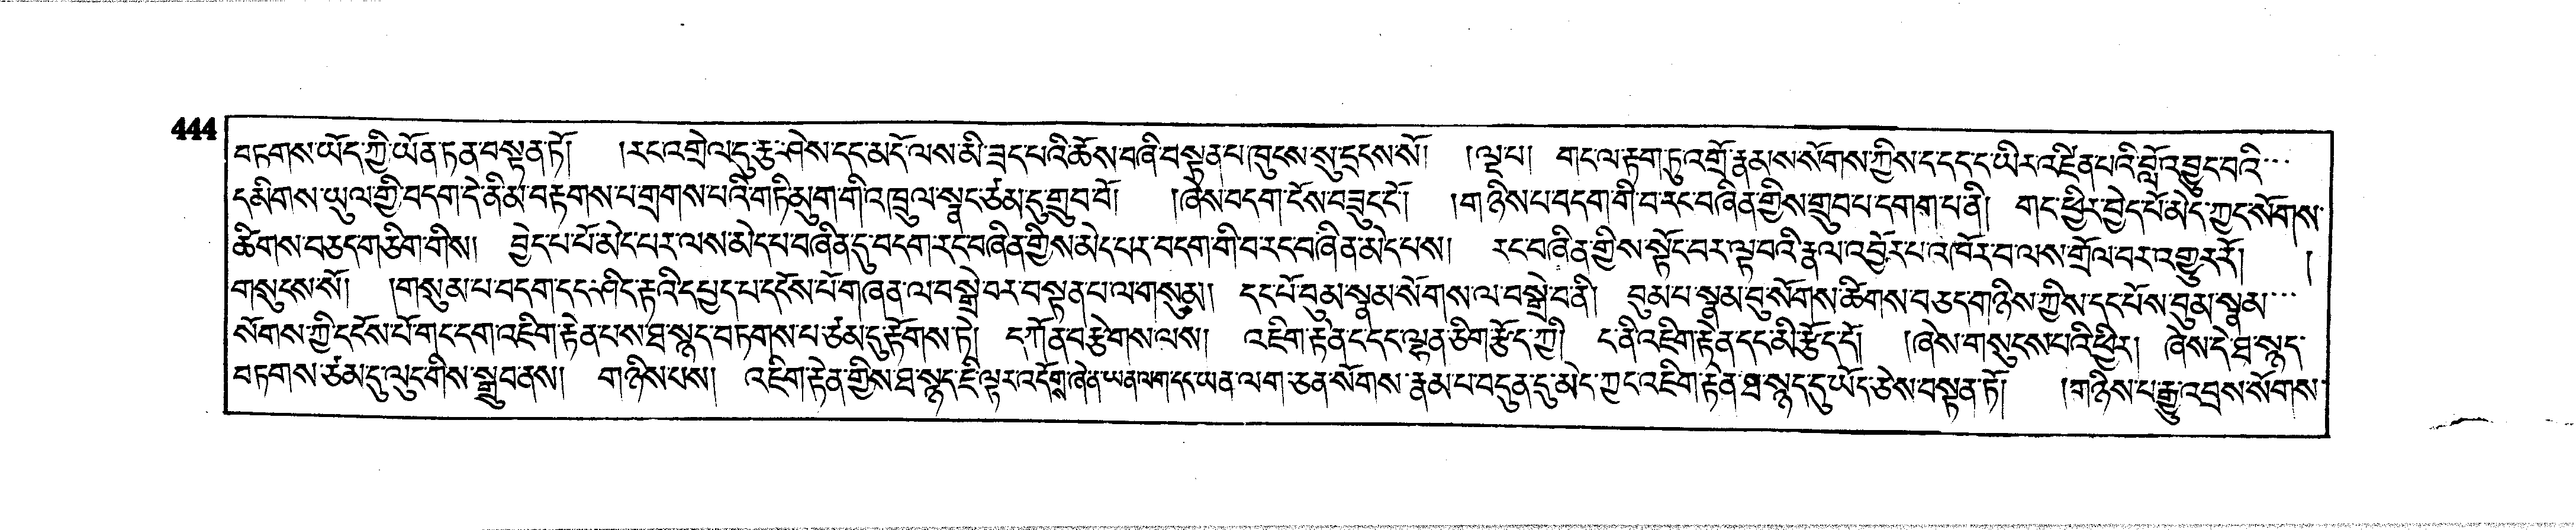བཏགས་ཡོད་ཀྱི་ཡོན་ཏན་བསྟན་ཏོ། །རང་འགྲེལ་དུ་རྩ་ཤེས་དང་མདོ་ལས་མི་ཟད་པའི་ཆོས་བཞི་བསྟན་པ་ཁུངས་སུ་དྲངས་སོ། །ལྔ་པ། གང་ལ་རྟག་ཏུ་འགྲོ་རྣམས་སོགས་ཀྱིས་ང་དང་ང་ཡིར་འཛིན་པའི་བློ་འབྱུང་བའི་
དམིགས་ཡུལ་གྱི་བདག་དེ་ནི་མ་བརྟགས་པ་གྲགས་པའི་གཏི་མུག་གི་འཁྲུལ་སྣང་ཙམ་དུ་གྲུབ་བོ། །ཞེས་བདག་ངོས་བཟུང་ངོ། །གཉིས་པ་བདག་གི་བ་རང་བཞིན་གྱིས་གྲུབ་པ་དགག་པ་ནི། གང་ཕྱིར་བྱེད་པོ་མེད་ཀྱང་སོགས་
ཚིགས་བཅད་གཅིག་གིས། བྱེད་པ་པོ་མེད་པར་ལས་མེད་པ་བཞིན་དུ་བདག་རང་བཞིན་གྱིས་མེད་པར་བདག་གི་བ་རང་བཞིན་མེད་པས། རང་བཞིན་གྱིས་སྟོང་བར་ལྟ་བའི་རྣལ་འབྱོར་པ་འཁོར་བ་ལས་གྲོལ་བར་འགྱུར་རོ། །
གསུངས་སོ། །གསུམ་པ་བདག་དང་ཤིང་རྟའི་དཔྱད་པ་དངོས་པོ་གཞན་ལ་བསྒྲེ་བར་བསྟན་པ་ལ་གསུམ། དང་པོ་བུམ་སྣམ་སོགས་ལ་བསྒྲེ་བ་ནི། བུམ་པ་སྣམ་བུ་སོགས་ཚིགས་བཅད་གཉིས་ཀྱིས་དང་པོས་བུམ་སྣམ་
སོགས་ཀྱི་དངོས་པོ་གང་དག་འཇིག་རྟེན་པས་ཐ་སྙད་བཏགས་པ་ཙམ་དུ་རྟོགས་ཏེ། དཀོན་བརྩེགས་ལས། འཇིག་རྟེན་ང་དང་ལྷན་ཅིག་རྩོད་ཀྱི། ང་ནི་འཇིག་རྟེན་དང་མི་རྩོད་དོ། །ཞེས་གསུངས་པའི་ཕྱིར། ཞེས་དེ་ཐ་སྙད་
བཏགས་ཙམ་དུ་ལུང་གིས་སྒྲུབ་ནས། གཉིས་པས། འཇིག་རྟེན་གྱིས་ཐ་སྙད་ཇི་ལྟར་འདོགས་ཞེན་ཡན་ལག་དང་ཡན་ལག་ཅན་སོགས་རྣམ་པ་བདུན་དུ་མེད་ཀྱང་འཇིག་རྟེན་ཐ་སྙད་དུ་ཡོད་ཅེས་བསྟན་ཏོ། །གཉིས་པ་རྒྱུ་འབྲས་སོགས་